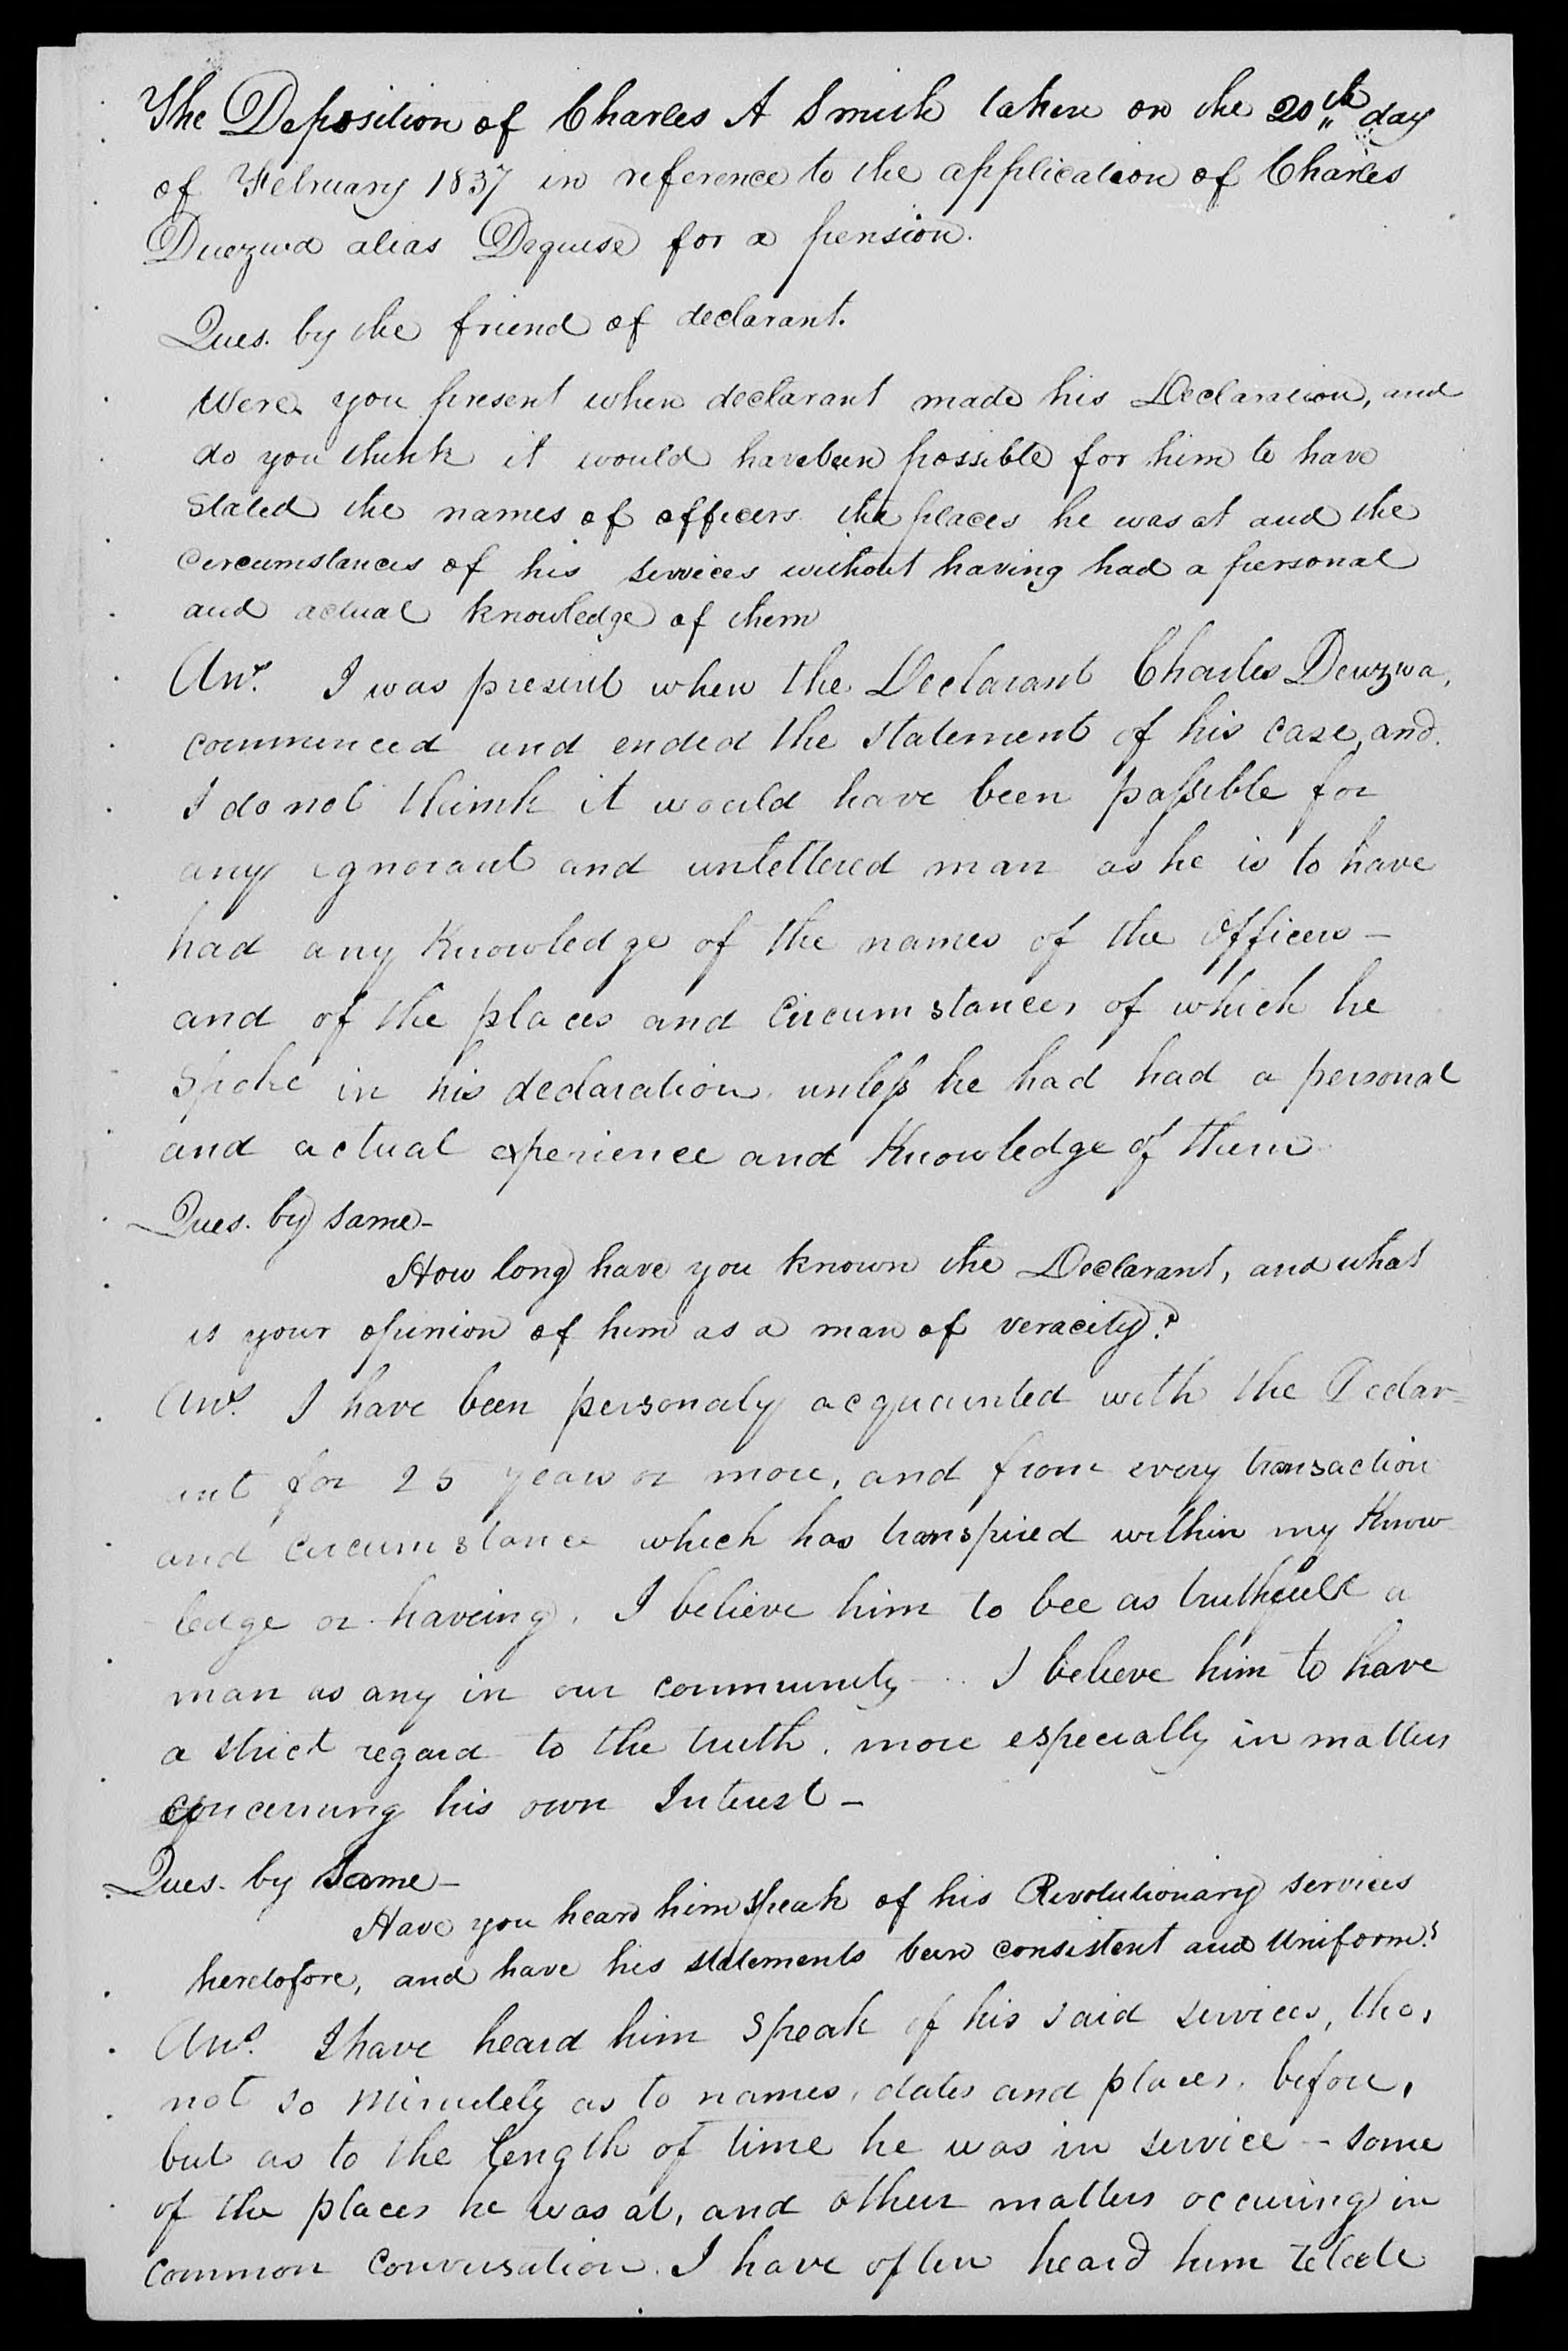The Deposition of Charles A Smith taken on the 20th day of February 1837 in reference to the application of Charles Deuzwa alias Dequise for a pension 
Ques. by the friend of declarant.
Were you present when declarant made his Declaration, and do you think it would have been possible for him to have stated the names of officers the places he was at and the
circumstances of his services without having had a personal and actual knowledge of them.
Ans. I was present when the Declarant
Charles Deuzwa commenced and ended the statement of his case, and I do not think it would have been possible for any ignorant and unlettered man as he is to have
had any knowledge of the names of the officers and of the places and circumstances of which he spoke in his declaration, unless he had had a personal and actual experience and knowledge of them
Ques. by same- How long have you known the Declarant, and what is your opinion of him as a man of veracity 
Ans. I have been personally acquainted with the Declarant for 25 years or more, and from every transaction and circumstance which has transpired within my knowledge or having, I believe him to bee as truthful a man as any in our community.  I believe him to have
a strict regard to the truth, more especially in matters concerning his own Interest.
Ques. by same- Have you heard him speak of his Revolutionary services heretofore, and have his statements been consistent and uniform.
Ans. I have heard him speak of his said services, tho not so minutely as to names, dates and places before, but as to the length of time he was in service. Some of the places he was at, and other matters occurring in
common conversation. I have often heard him relate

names: Charles Deuzwa, Charles A Smith, Charles Duezwa, Charles Dequise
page: 20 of 21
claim: rejected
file: R. 2,896, Charles Duzua, French